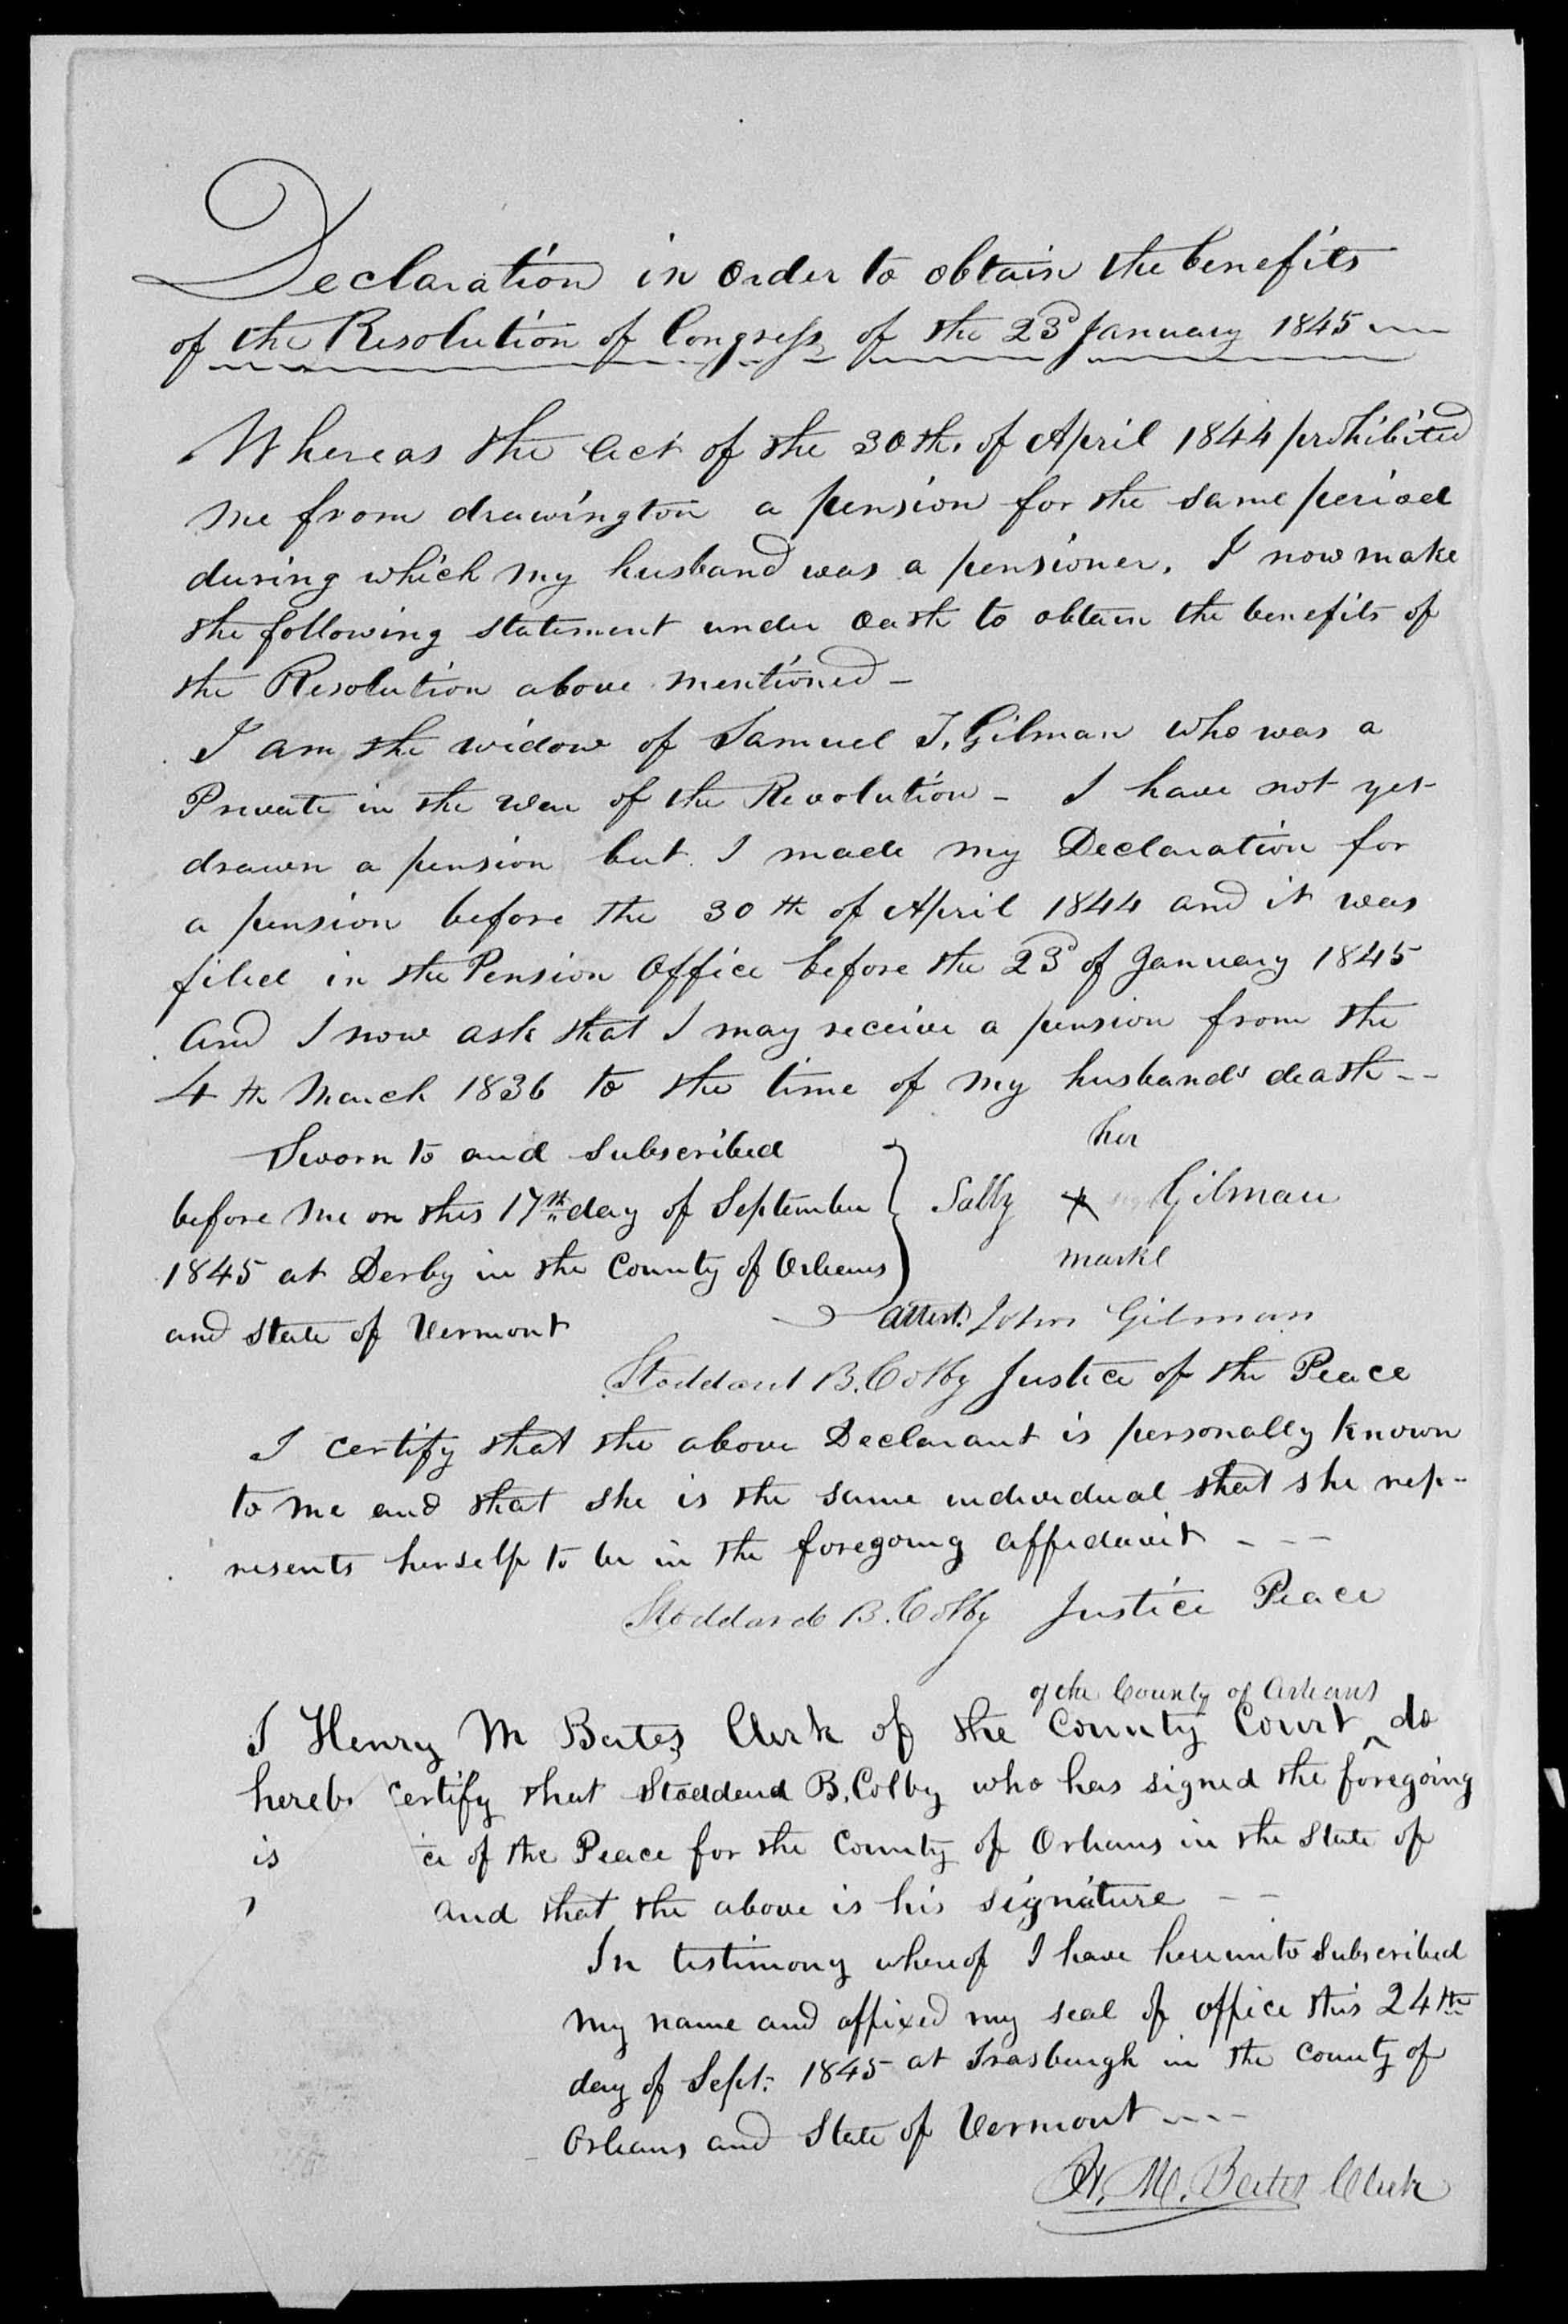Declaration in order to obtain the benefits of the Resolution of Congress, of the 23 January 1845
[underscore]

Whereas the Act of the 30th of April 1844 prohibited me from drawing on a pension for the same period during which my husband was a pensioner, I now make the following statement under oath to obtain the benefits of the Resolution above mentioned -

I am the widow of Samuel T. Gilman who was a Private in the war of the Revolution - I have not yet drawn a pension but I made my Declaration for a pension before the 30th of April 1844 and it was filed in the Pension Office before the 23d of January 1845 And I now ask that I may receive a pension from the 4th March 1836 to the time of my husbands death --
Sally Gilman
her X mark
attestd John Gilman

Sworn to and subscribed
before me on this 17th day of September
1845 at Derby in the County of Orleans
and State of Vermont }
Stoddard B. Colby Justice of the Peace
I certify that the above Declarant is personally known to me and that she is the same individual that she represents herself to be in the foregoing affidavit ---
Stoddard B. Colby Justice Peace

I Henry M Bates Clerk of the Count Court of the County of Orleans do hereby certify that Stoddard B. Colby who has signed the foregoing is [Justice] of the Peace for the County of Orleans in the State of [Vermont] and that the above is his signature.
In testimony whereof I have hereunto Subscribed my name and affixed my seal of office this 24th day of Spet. 1845 at Irasburgh in the County of Orleans and State of Vermont -
H. M. Bates Clerk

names: Stoddard B Colby, John Gilman, Henry M Bates, Sally Gilman, Stoddard B Colby, H M Bates, Samuel T Gilman, Stoddard B Colby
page: 29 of 61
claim: widow's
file: W. 19500, Samuel Thing Gilman, Continental N.H.